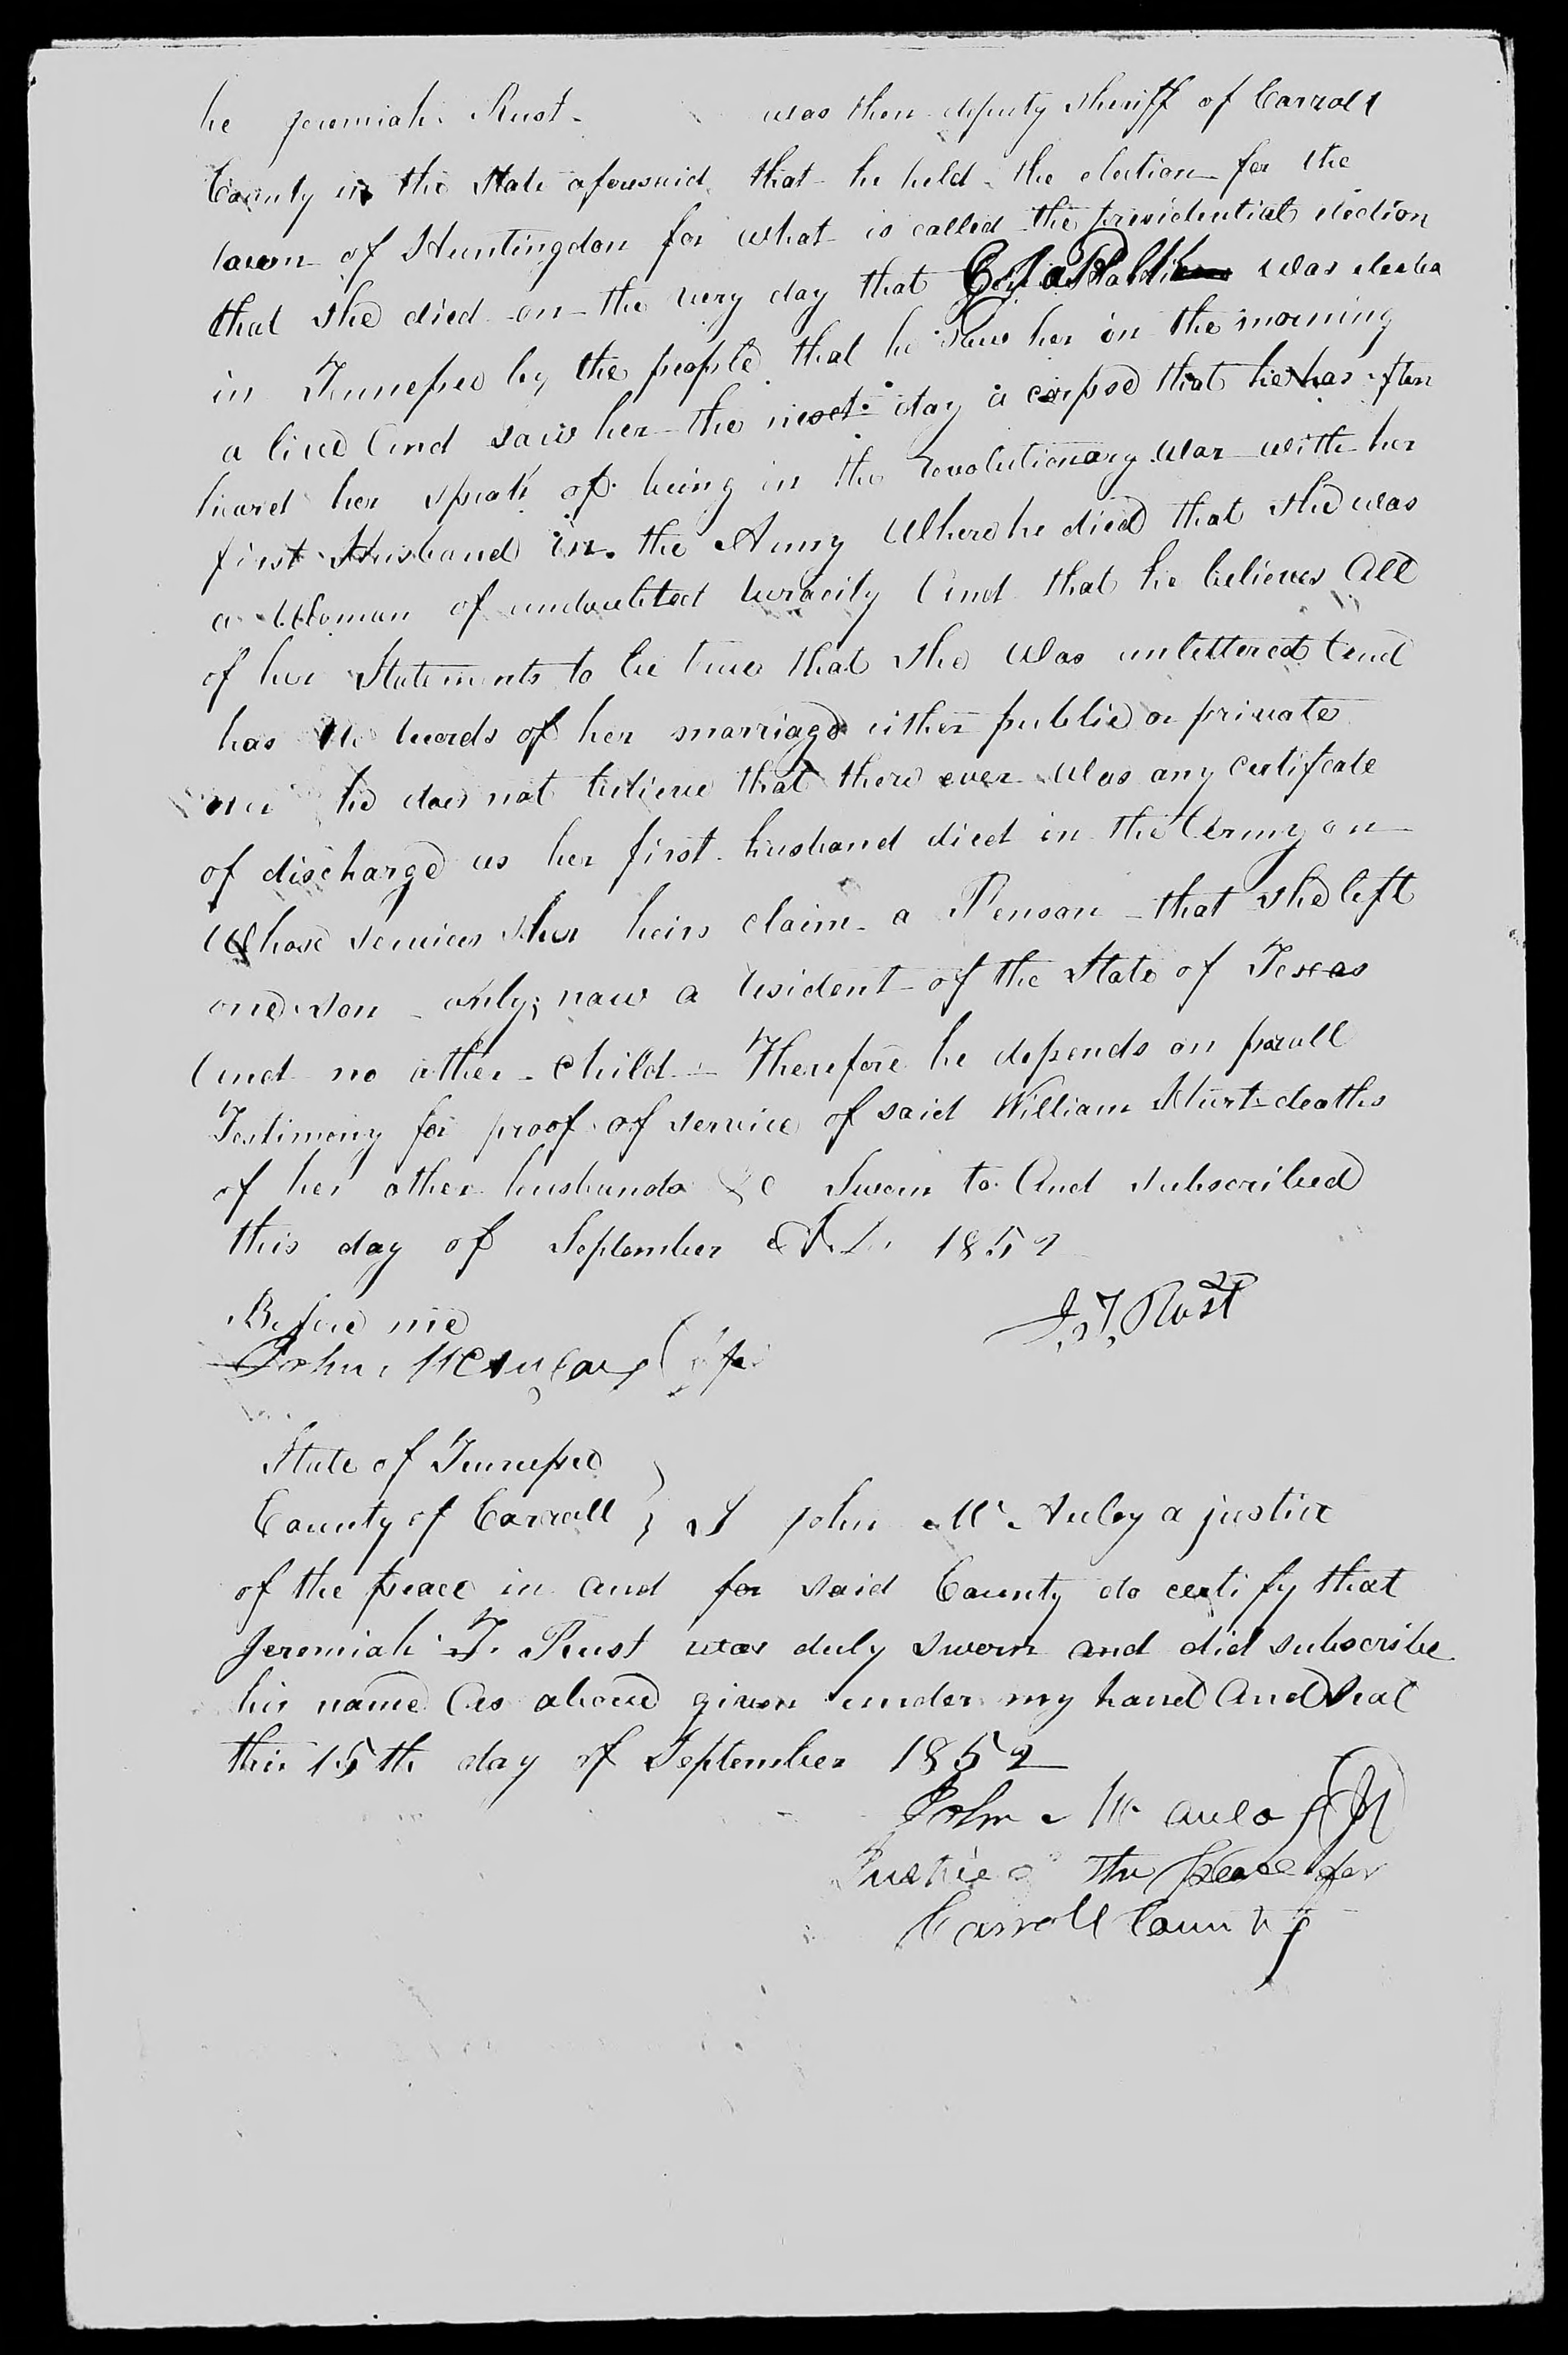Jeremiah Rust was then deputy sheriff of Carroll County  in the  State aforesaid  that he held the election for the town of Huntingdon  for what is called the presidential election that  she died on the very day  that   Capt.  Polk was elected in Tennessee by the people  that he now was on the morning  alive and saw her - the next day a corpse.  that he has  often heard her speak of being in the revolutionary war with her first husband  viz the army  where he died that she was a woman of undoubted veracity  and that he believes all of her statements to be true that she was  unlettered  and has no records of her marriage  public or private  and he does not believe that there was ever was a certificate of discharge as her first husband died in the  Army on whose services her heirs claim a Pension - that she left  one son only , now a resident of the State of Texas and no other child - Therefore  he depends on  for all testimony  for proof of service of said William Hurt  death of her other husbands  etc. Sworn to and subscribed  this day of September A. D. 1857 . before me  John Mc Auley  ( signed )( J P ) J T Rust ( signed ) [ State of Tennessee County of Carroll ]  I John Mc Auley a Justice of peace in and for said County      do certify that  Jeremiah T Rust was duly sworn  and did subscribe his name as above . Given under my hand and seal this 15th day of September 1852. John Mc Auley ( JP ) signed Justice of the peace for Carroll County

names: John Mc Aulay; J T Rust; Jeremiah Rust; [BLANK] Huntingdon; William Hurt; Jeremiah T Rust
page: 3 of 75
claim: rejected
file: R. 1572, for William Hurt, [Blank]